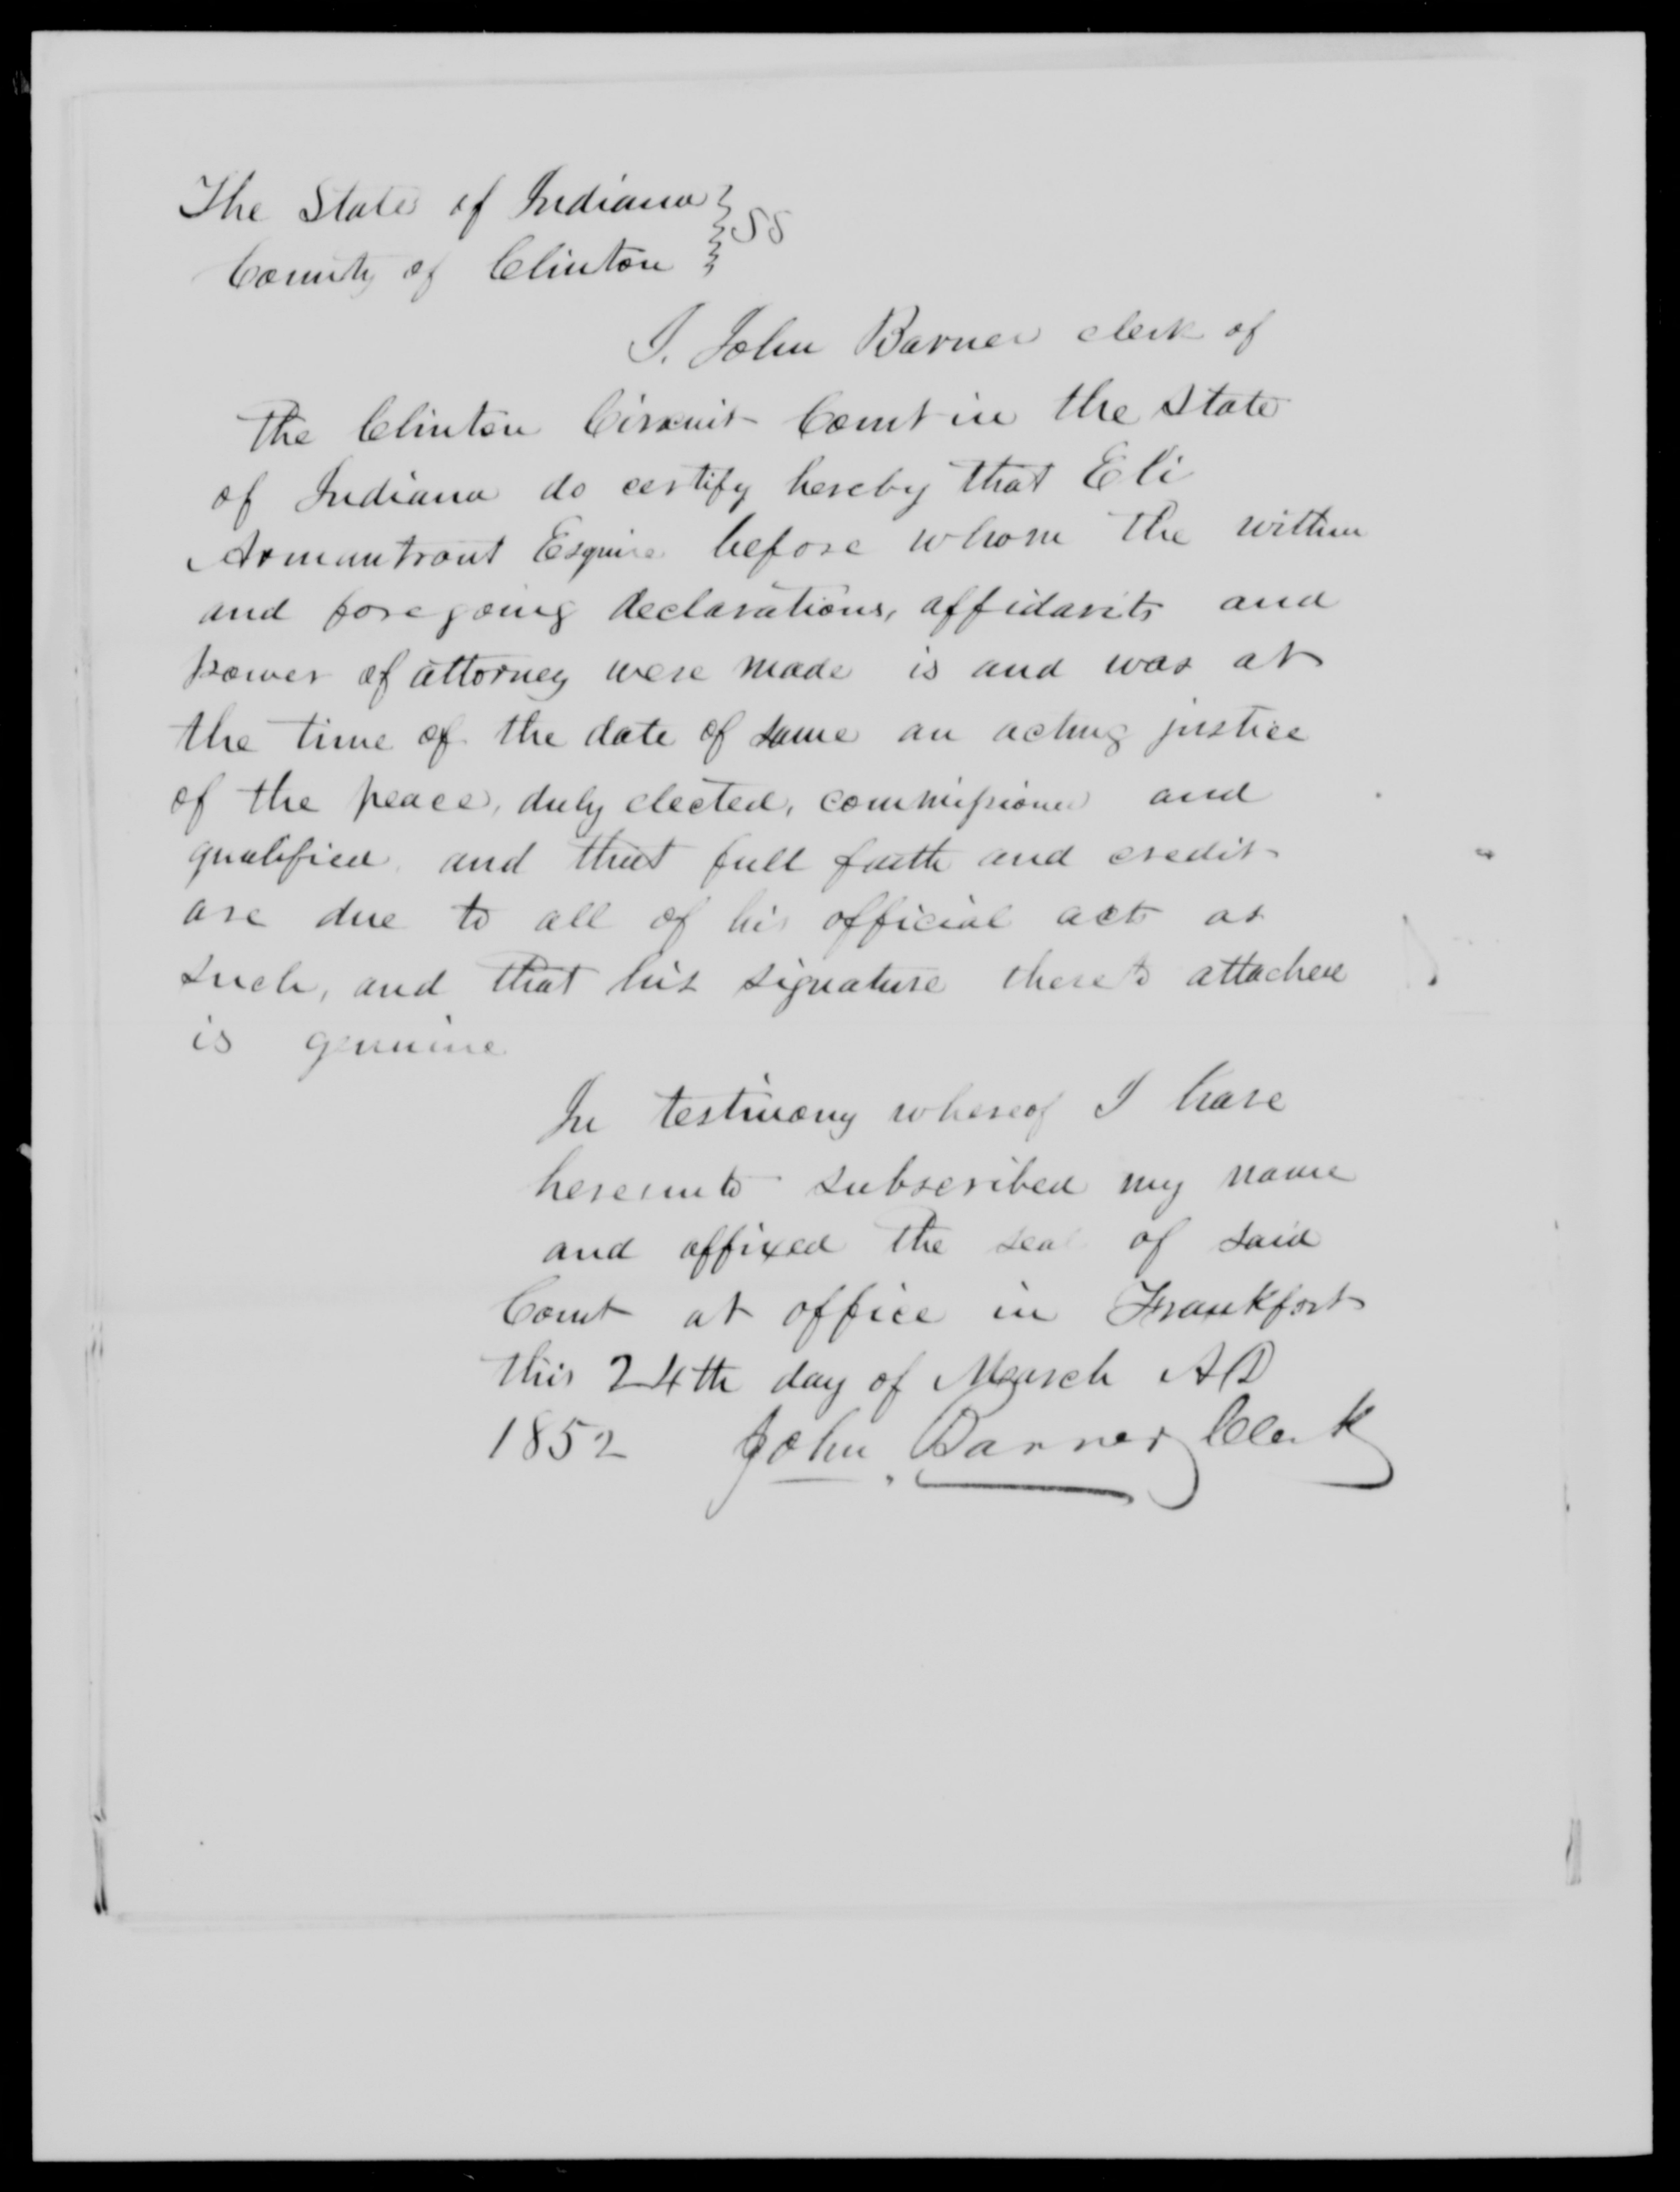The State of Indiana County of Clinton ss
I, John Barner Clerk of
the Clinton Circuit Court in the State of
Indiana do certify hereby that Eli
Armantrout Esquire before whom the within
and foregoing declarations, affidavits and
power of attorney were made is and was at
the time of the date of same, an acting justice
of the peace, duly elected, commissioned and
qualified and that full faith and credit
are due to all of his official acts as
such, and that his signature thereto attached
is genuine.
In testimony whereof I have
hereunto subscribed my name
and affixed the seal of said
Court at office in Frankfort
this 24th day of March AD
1852 John Barner Clerk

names: John Barner, Eli Armantrout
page: 37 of 123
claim: rejected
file: R. 11,949, Matthias Young, Md.